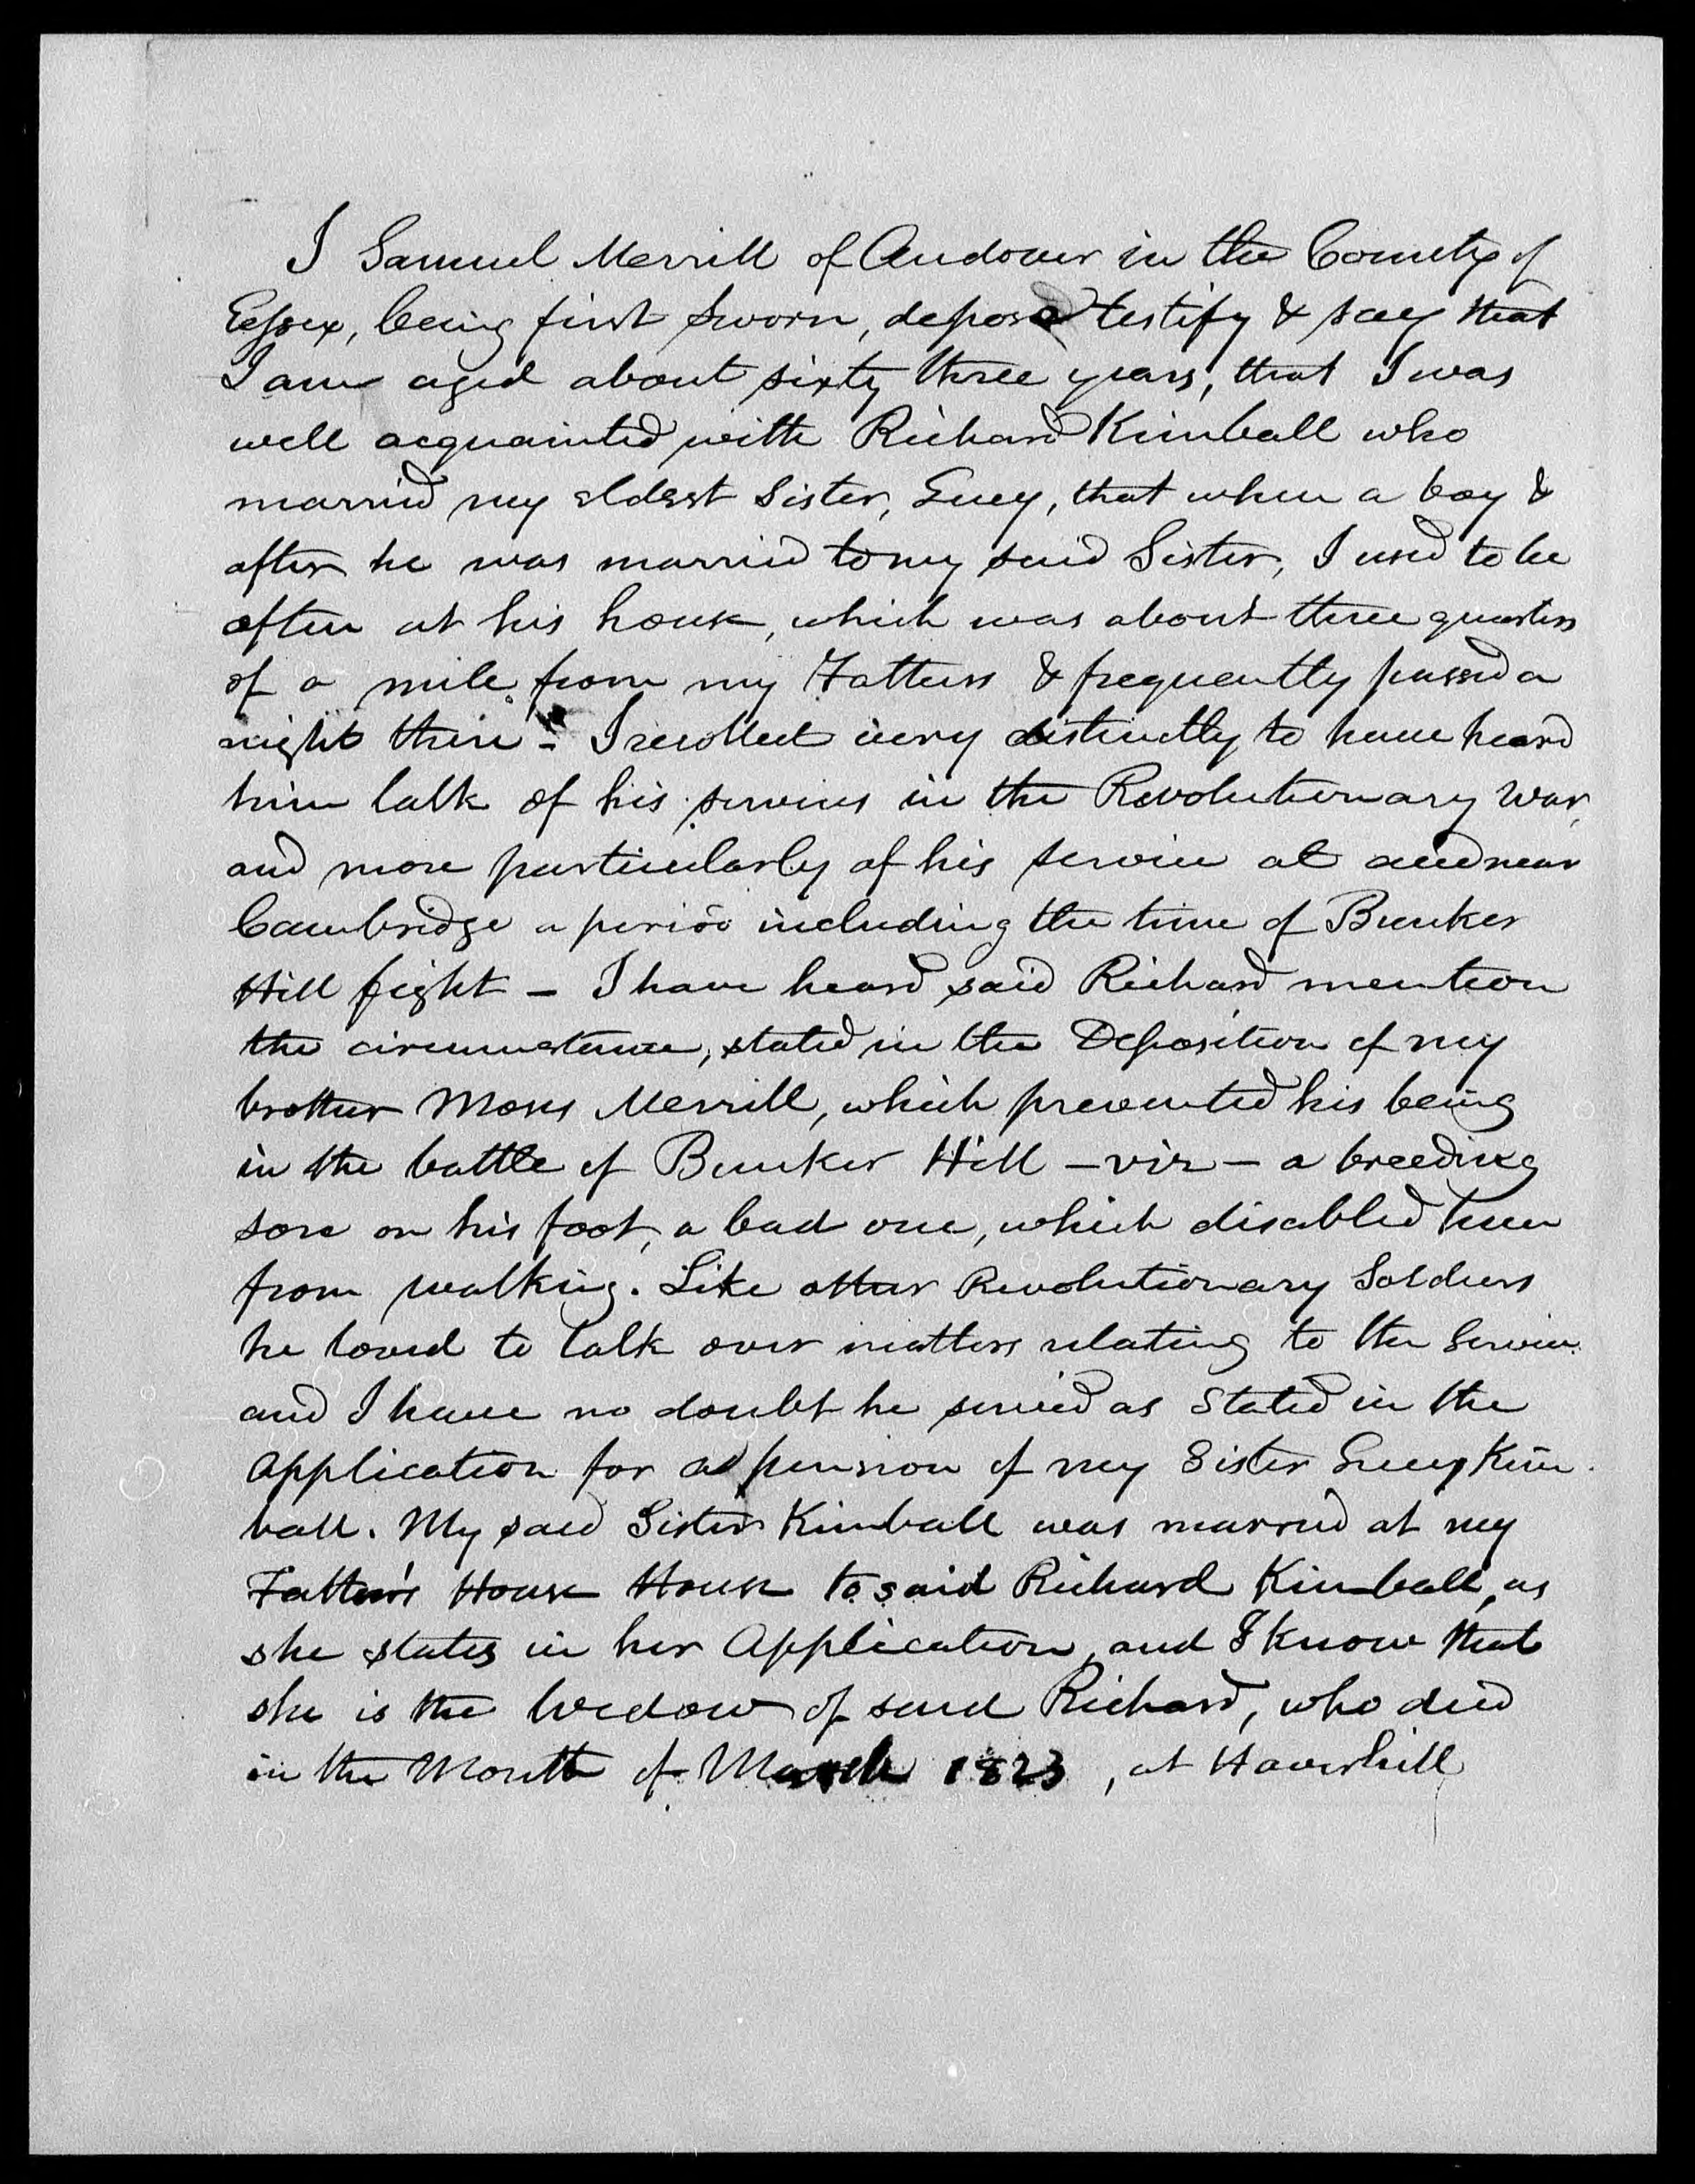I Samuel Merill of Andover in the County of Essex, being first sworn, depose testify & say that I am aged about sixty three years, that I was well acquainted with Richard Kimball who married my eldest sister, Lucy, that when a boy & after he was married to my said Sister, I used to be often at his house, which was about three quarters of a mile from my Fathers & frequently passed a night there. I recollect very distinctly to have hard him talk of his services in the Revolutionary War and more particularly of his service at and near Cambridge a period including the time of Bunker Hill fight - I have heard said Richard mention the circumstance, stated in the Deposition of my brother Moses Merrill, which prevented his being in the battle of Bunker Hill - viz - a breeding sore on his foot, a bad one, which disabled him from walking. Like other Revolutionary soldiers he loved to talk over matters relating to the Service and I have no doubt he served as stated in the application for a pension of my sister Lucy Kimball. My said Sister Kimball was married at my Father's House House to said Richard Kimball, as she states in her application, and I know that she is the widow of said Richard, who died in the month of March 1823, at Haverhill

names: Samuel Merrill; Richard Kimball; Moses Merrill; Lucy Kimball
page: 17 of 29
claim: widow's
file: W. 1779, for Richard Kimball, Massachusetts